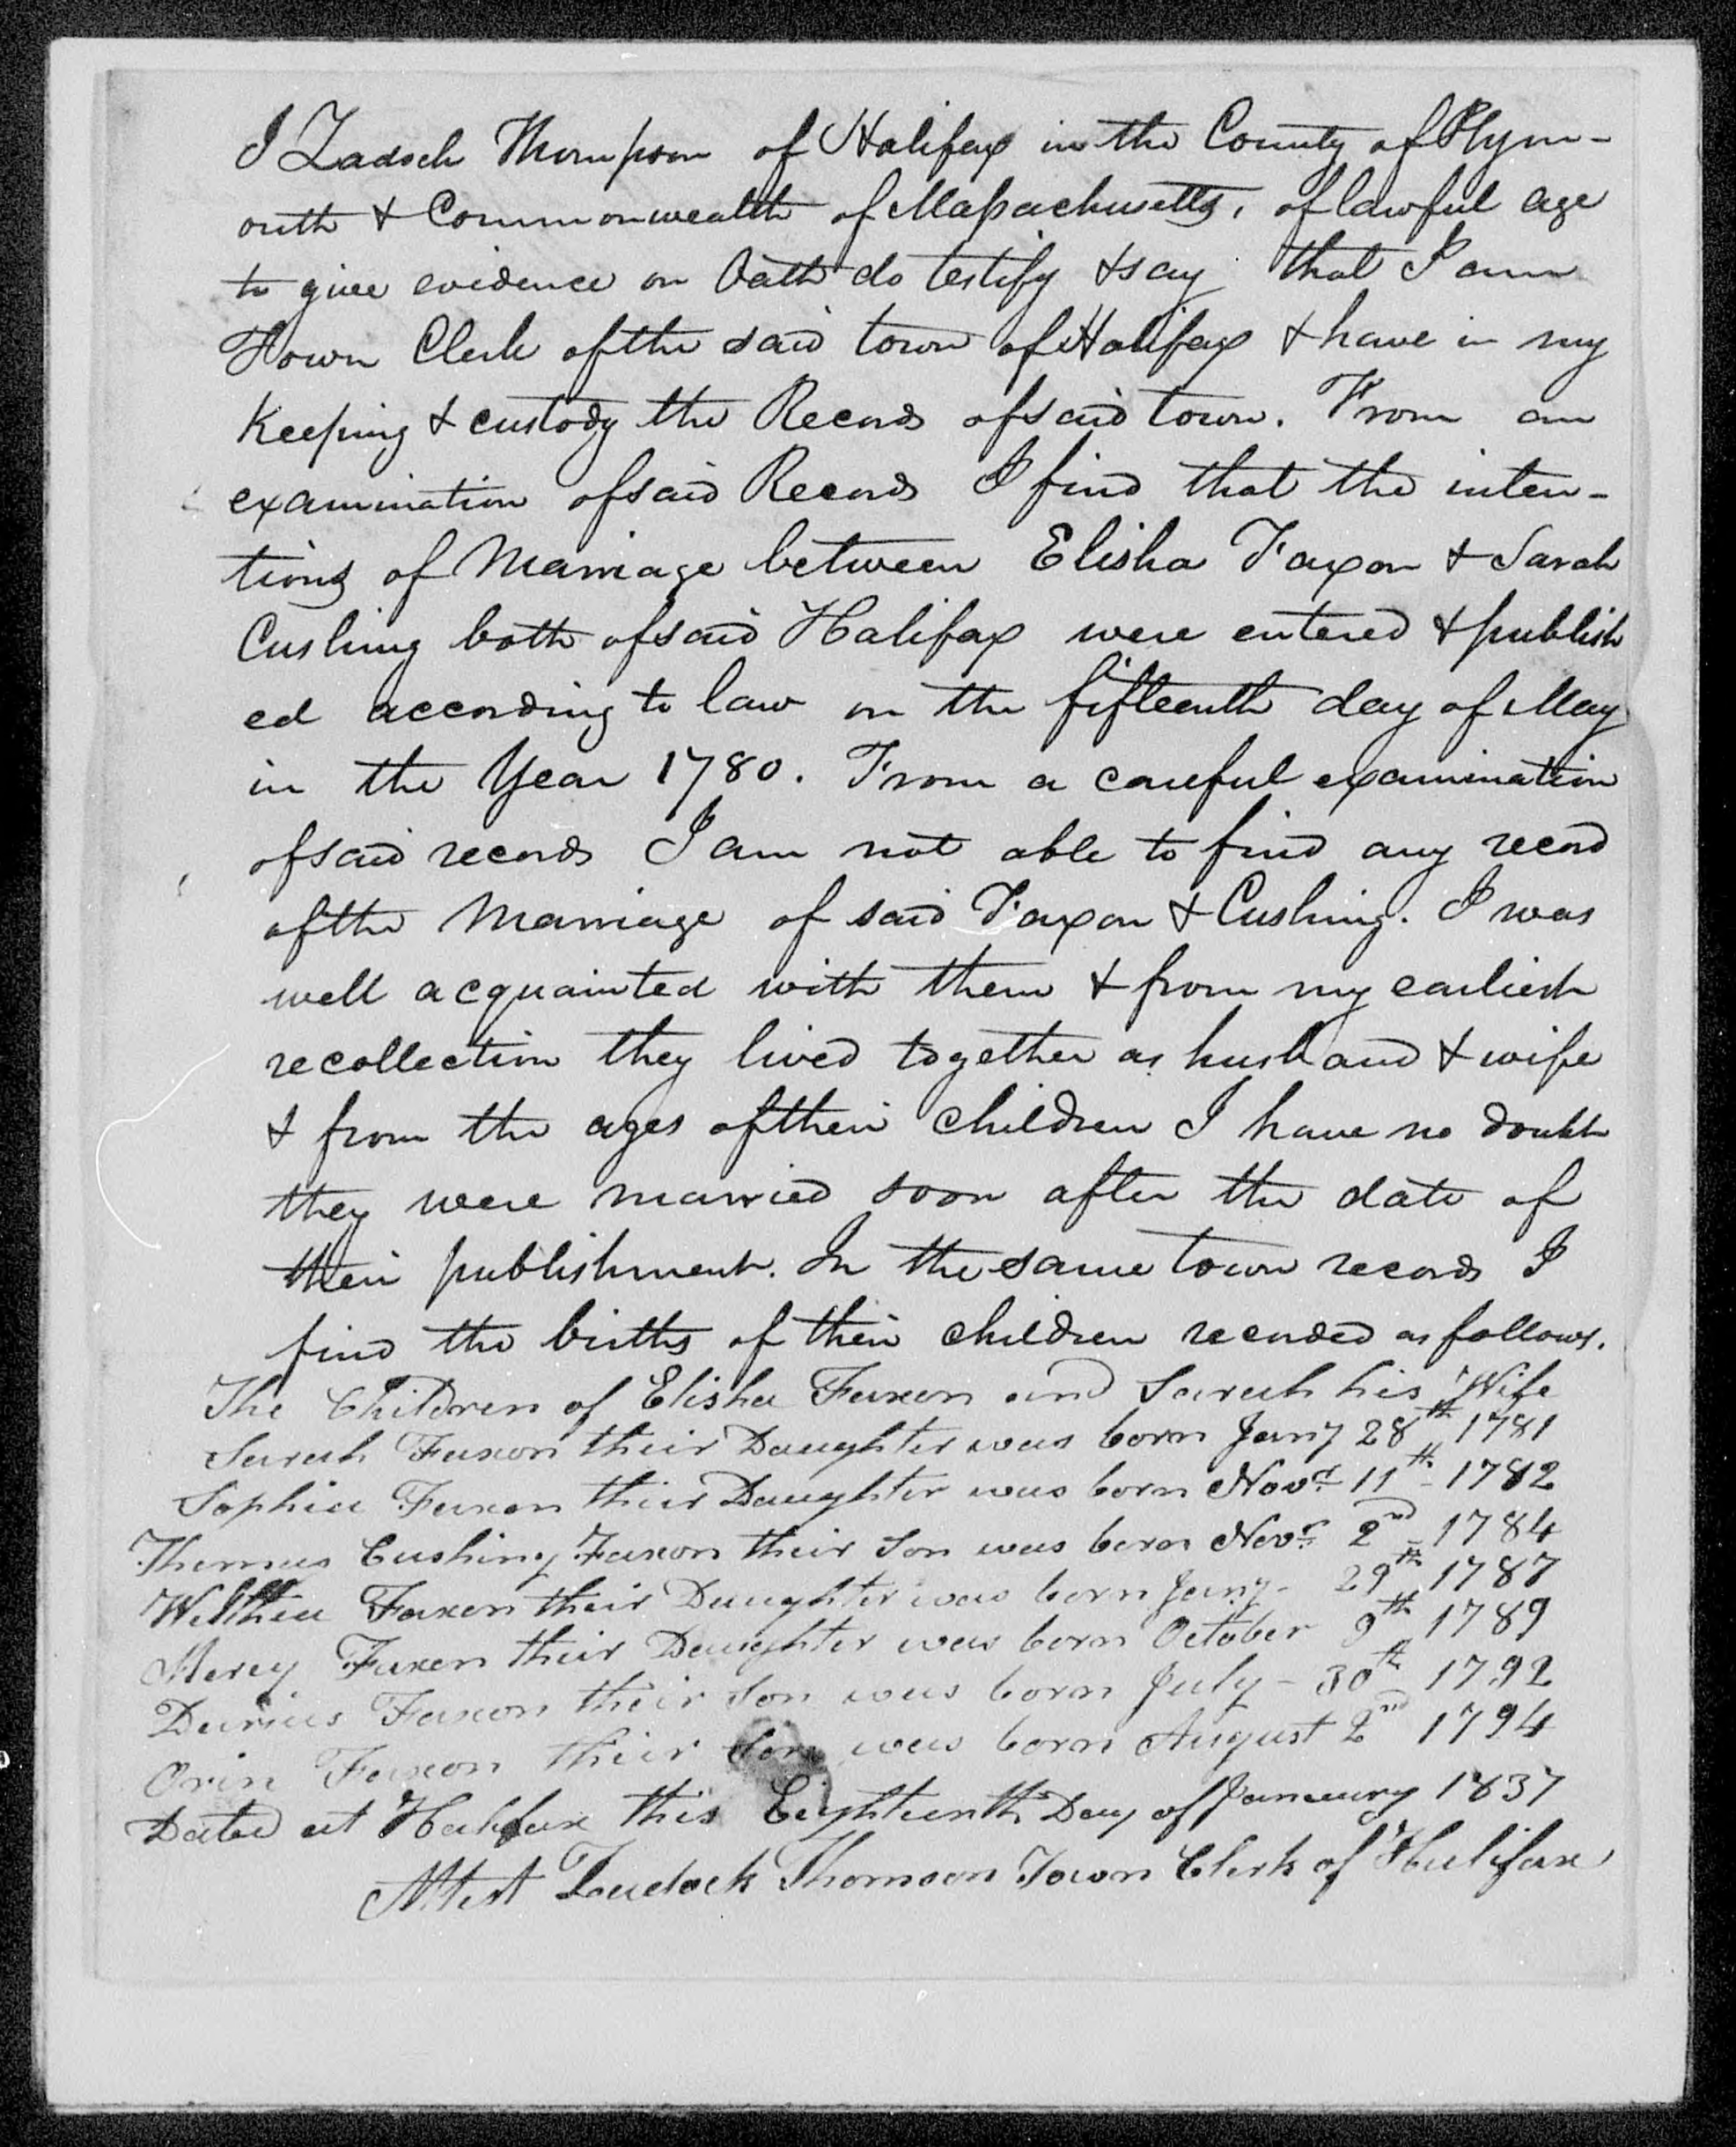I Zadlock Thompson of Halifax in the County of Plymouth and Commonwealth of Massachusetts of lawful age to give evidence on oath do testify and say that I am Town Clerk of the said town of Halifax and have in my keeping and custody the records of said town. From an examination of said records I find that the intentions of marriage between Elisha Faxon and Sarah Cushing both of said Halifax were entered and published according to law in the fifteenth day of May in the Year 1780. From a careful examination of said records I am not able to find any record of the marriage of said Faxon and Cushing. I was well acquainted with them and from my earliest recollection they lived together as husband and wife and from the ages of their children I have no doubt they were married soon after the date of their publishment. In the same town records I find the births of their children recorded as follows.
The children of Elisha Faxon and Sarah his Wife
Sarah Faxon their Daughter was born January 28, 1781
Sophice Faxon their Daughter was born November 11th 1782
Thomas Cushing Faxon their Son was born November 2 1784
Welthea Faxon their Daughter was born January 29th 1787
Mercy Faxon their Daughter was born October 9th 1789
(Illegible) Faxon their Son was born July 30th 1792
Orin Faxon their Son was born August 2nd 1794
Dated at Halifax this Eighteenth Day of January 1837
Zadock Thompson Town Clerk of Halifax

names: Mercy Faxon, Cushing, Orin Faxon, Zadock Thompson, Welthea Faxon, Sarah Faxon, Thomas Cushing Faxon, Sarah Cushing, Davius Faxon, Sophia Faxon, Elisha Faxon, Faxon, Elisha Faxon, Zadock Thomson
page: 10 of 47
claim: widow's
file: W. 14703, Elisha Faxon, Mass